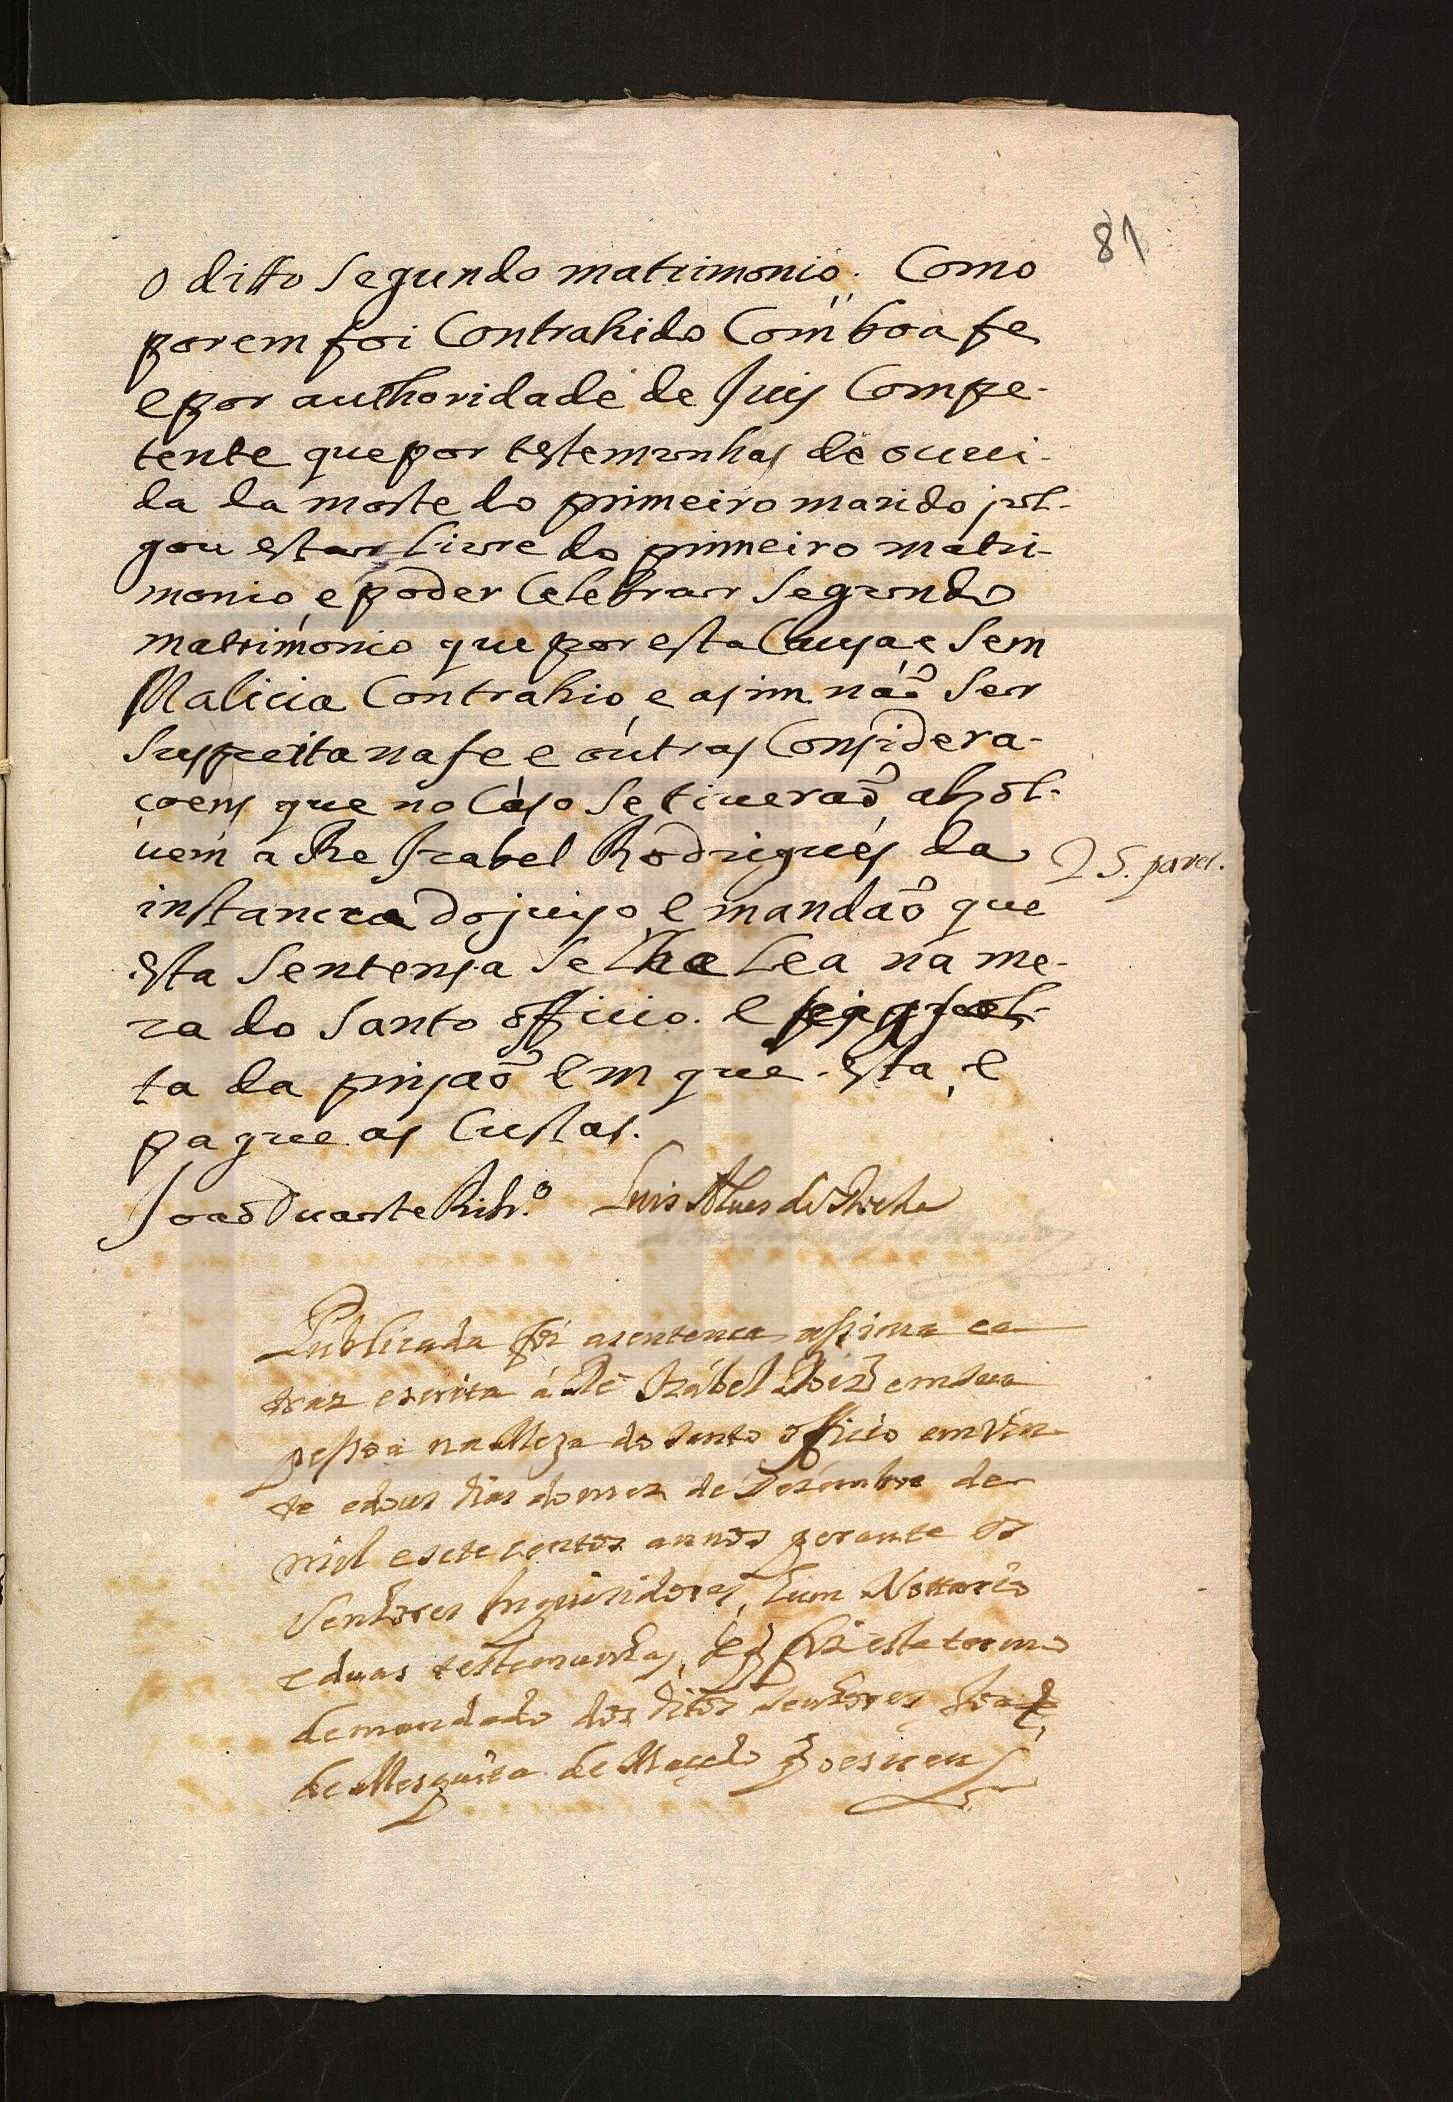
o ditto segundo matrimonio; Como
porem foi Contrahido Com boa fe
e por authoridade de Juis Compe
tente que por testemunhas de ouui
da da morte do primeiro marido jul
gou estar livre do primeiro matri
monio, e poder Celebrar segundo
matrimonio que por esta Causa, e sem
Malicia Contrahio, e asim naõ ser
suspeita na fe, e outras Considera
çoens que no Cáso se tiueraõ, absol
uem a Re Jzabel Rodrigues da 25. parer.
instancia do juiso, e mandaõ que
esta sentensa se lhe lea na me
za do Santo officio. e
ta da prisaõ em que esta, e
pague as custas.
Joaõ Duarte Ribr.o Luis Alues de Rocha
Publicada foi a sentença assima e a
traz escrita á Ré Izabel Roiz̄ em sua
pessoa na Meza do santo officio em vin
te e dous dias do mez de Dezembro de
mil e setecentos annos perante os
Senhores Inquizidores, hum Nottario
e duas testemunhas, de q̄ fiz este termo
de mandado dos ditos senhores Joaõ
de Mesquita de Maçedo q̄ o escreuj
